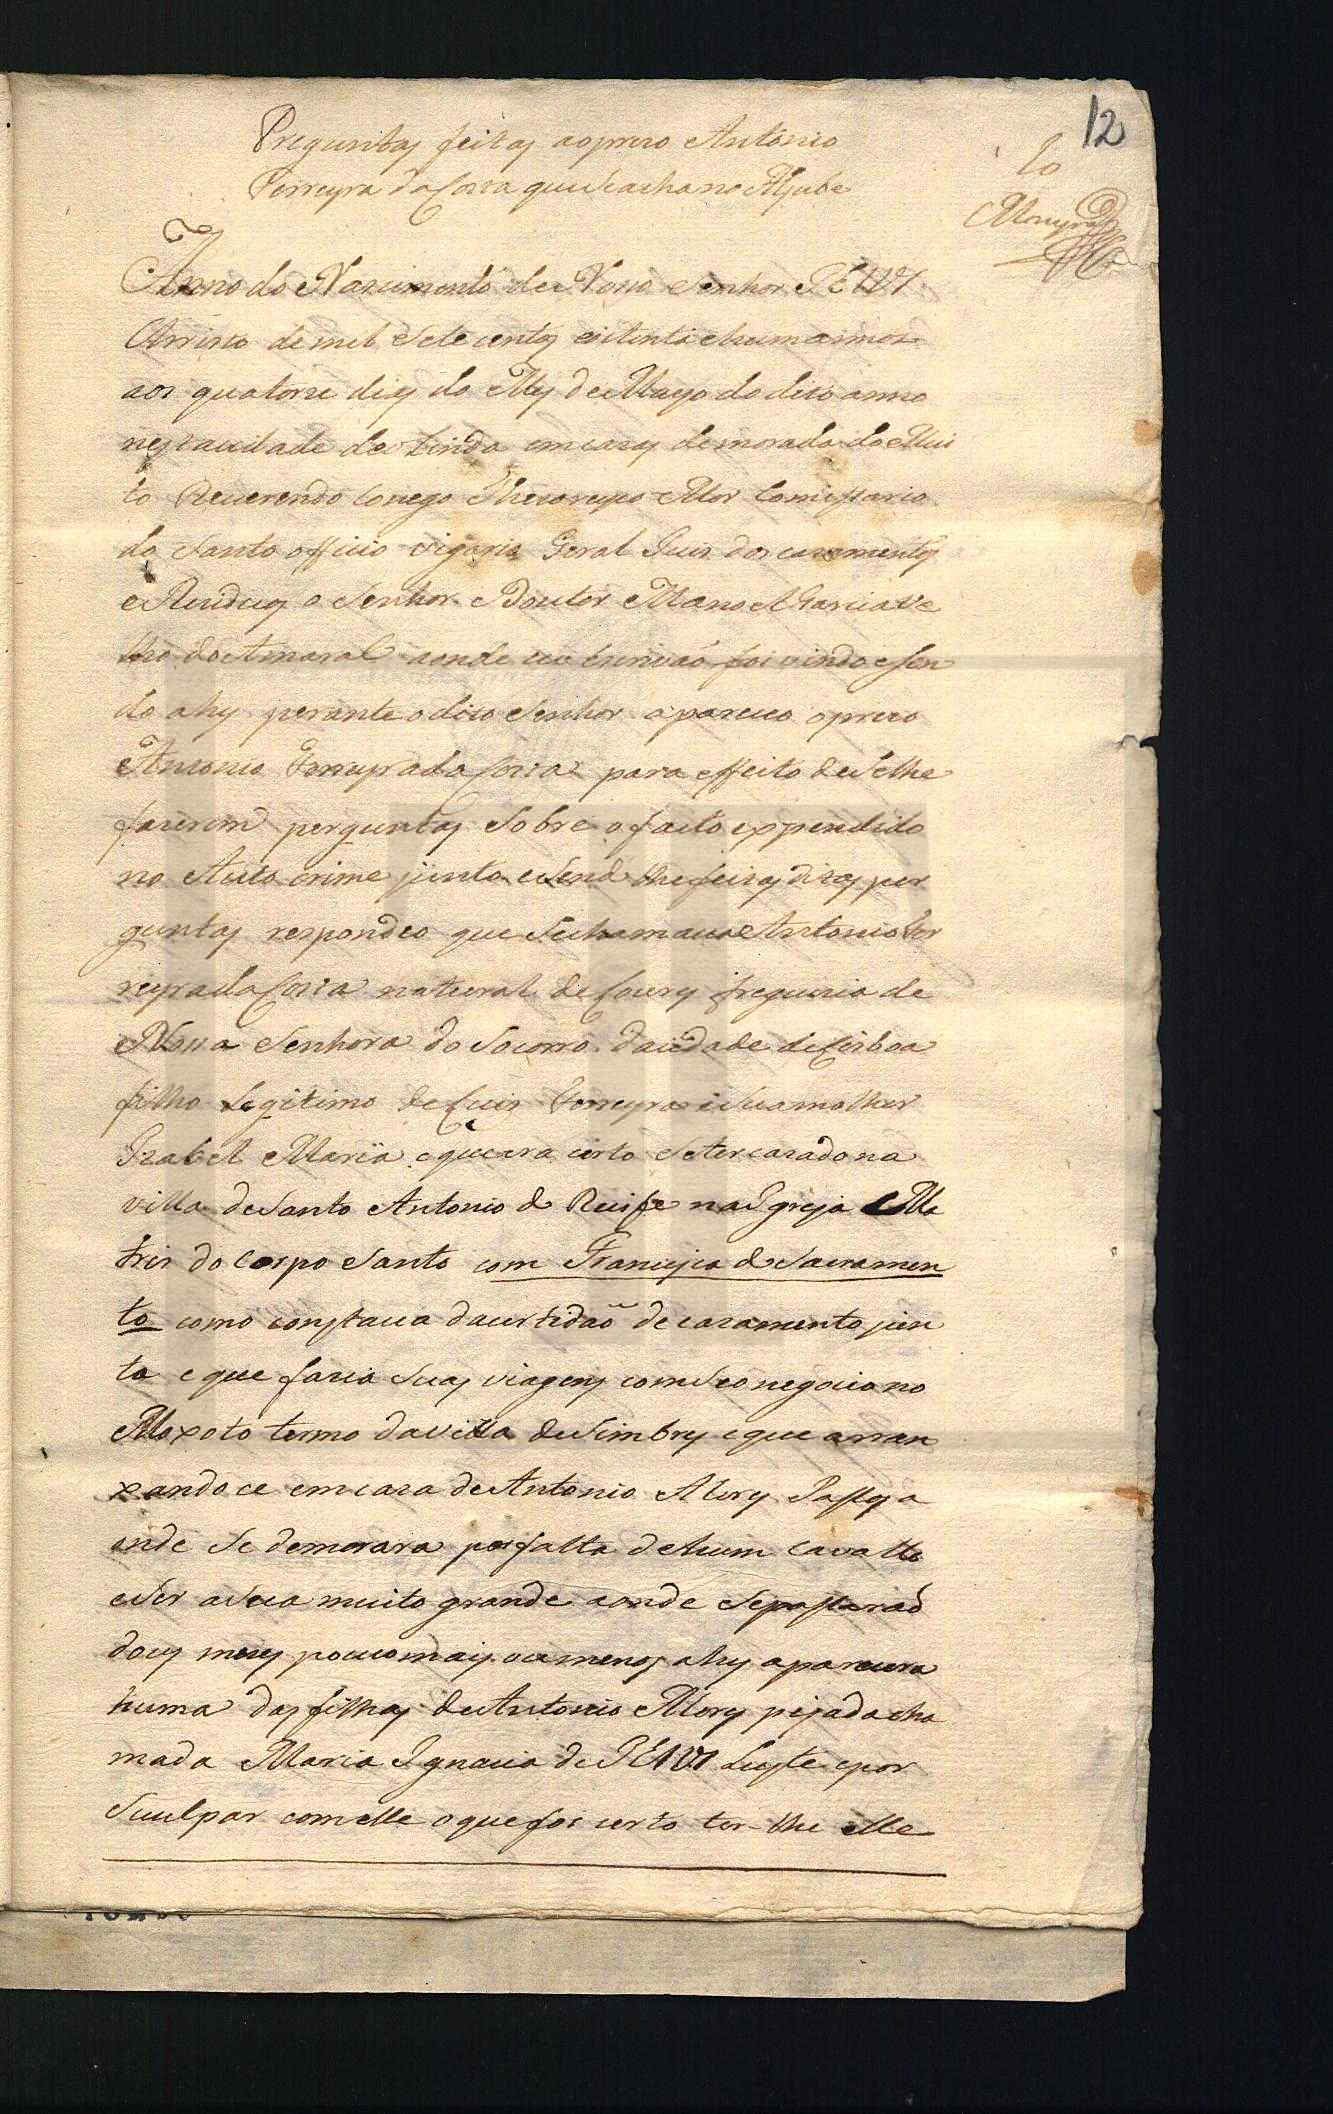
Preguntas feitas ao prezo António
Ferreyra da Costa que se acha no Aljube
Anno do Nascimento de Nosso senhor IESVS
Christo de mil setecentos oitenta e hum annos
aos quatorze dias do Mes de Mayo do dito anno
nesta cidade de olinda em cazas de morada do Mui
to Reverendo Conego Thezoreyro Mor Comissario
do Santo officio vigario Geral Iuis dos casamentos
e Reziduos o Senhor Doutor Manoel Garcia Ve
lho do Amaral aonde no Escrivão foi indo e sen
do ahy perante o dito senhor apareceo o prezo
Antonio Ferreyra da Costa para effeito de se lhe
fazerem perguntas sobre o facto expendido
no Auto crime junto e sendo lhe feitas ditas per
guntas respondeo que se chamava Antonio Fer
reyra da Costa natural de Loures freguezia de
Nossa Senhora do Socorro da cidade de Lisboa
filho legitimo de Luiz Ferreyra e sua molher
Izabel Maria e que era certo se ter cazado na
villa de Santo Antonio do Recife na Igreja Ma
tris do corpo santo com Francisca do sacramen
to como constaua da certidaõ de cazamento jun
ta e que fazia suas viagens com seo negocio no
Moxoto termo da villa de simbres e que arran
xandoce em caza de Antonio Alvres Passos a
onde se demorara por falta de hum cavallo
e ser a seca muito grande aonde se passarão
dous mezes pouco mais ou menos ahy aparecera
huma das filhas de Antonio Alvres pejada cha
mada Maria Ignacia de IESUS Leyte e por
se culpar com elle e que foi certo ter-lhe elle
